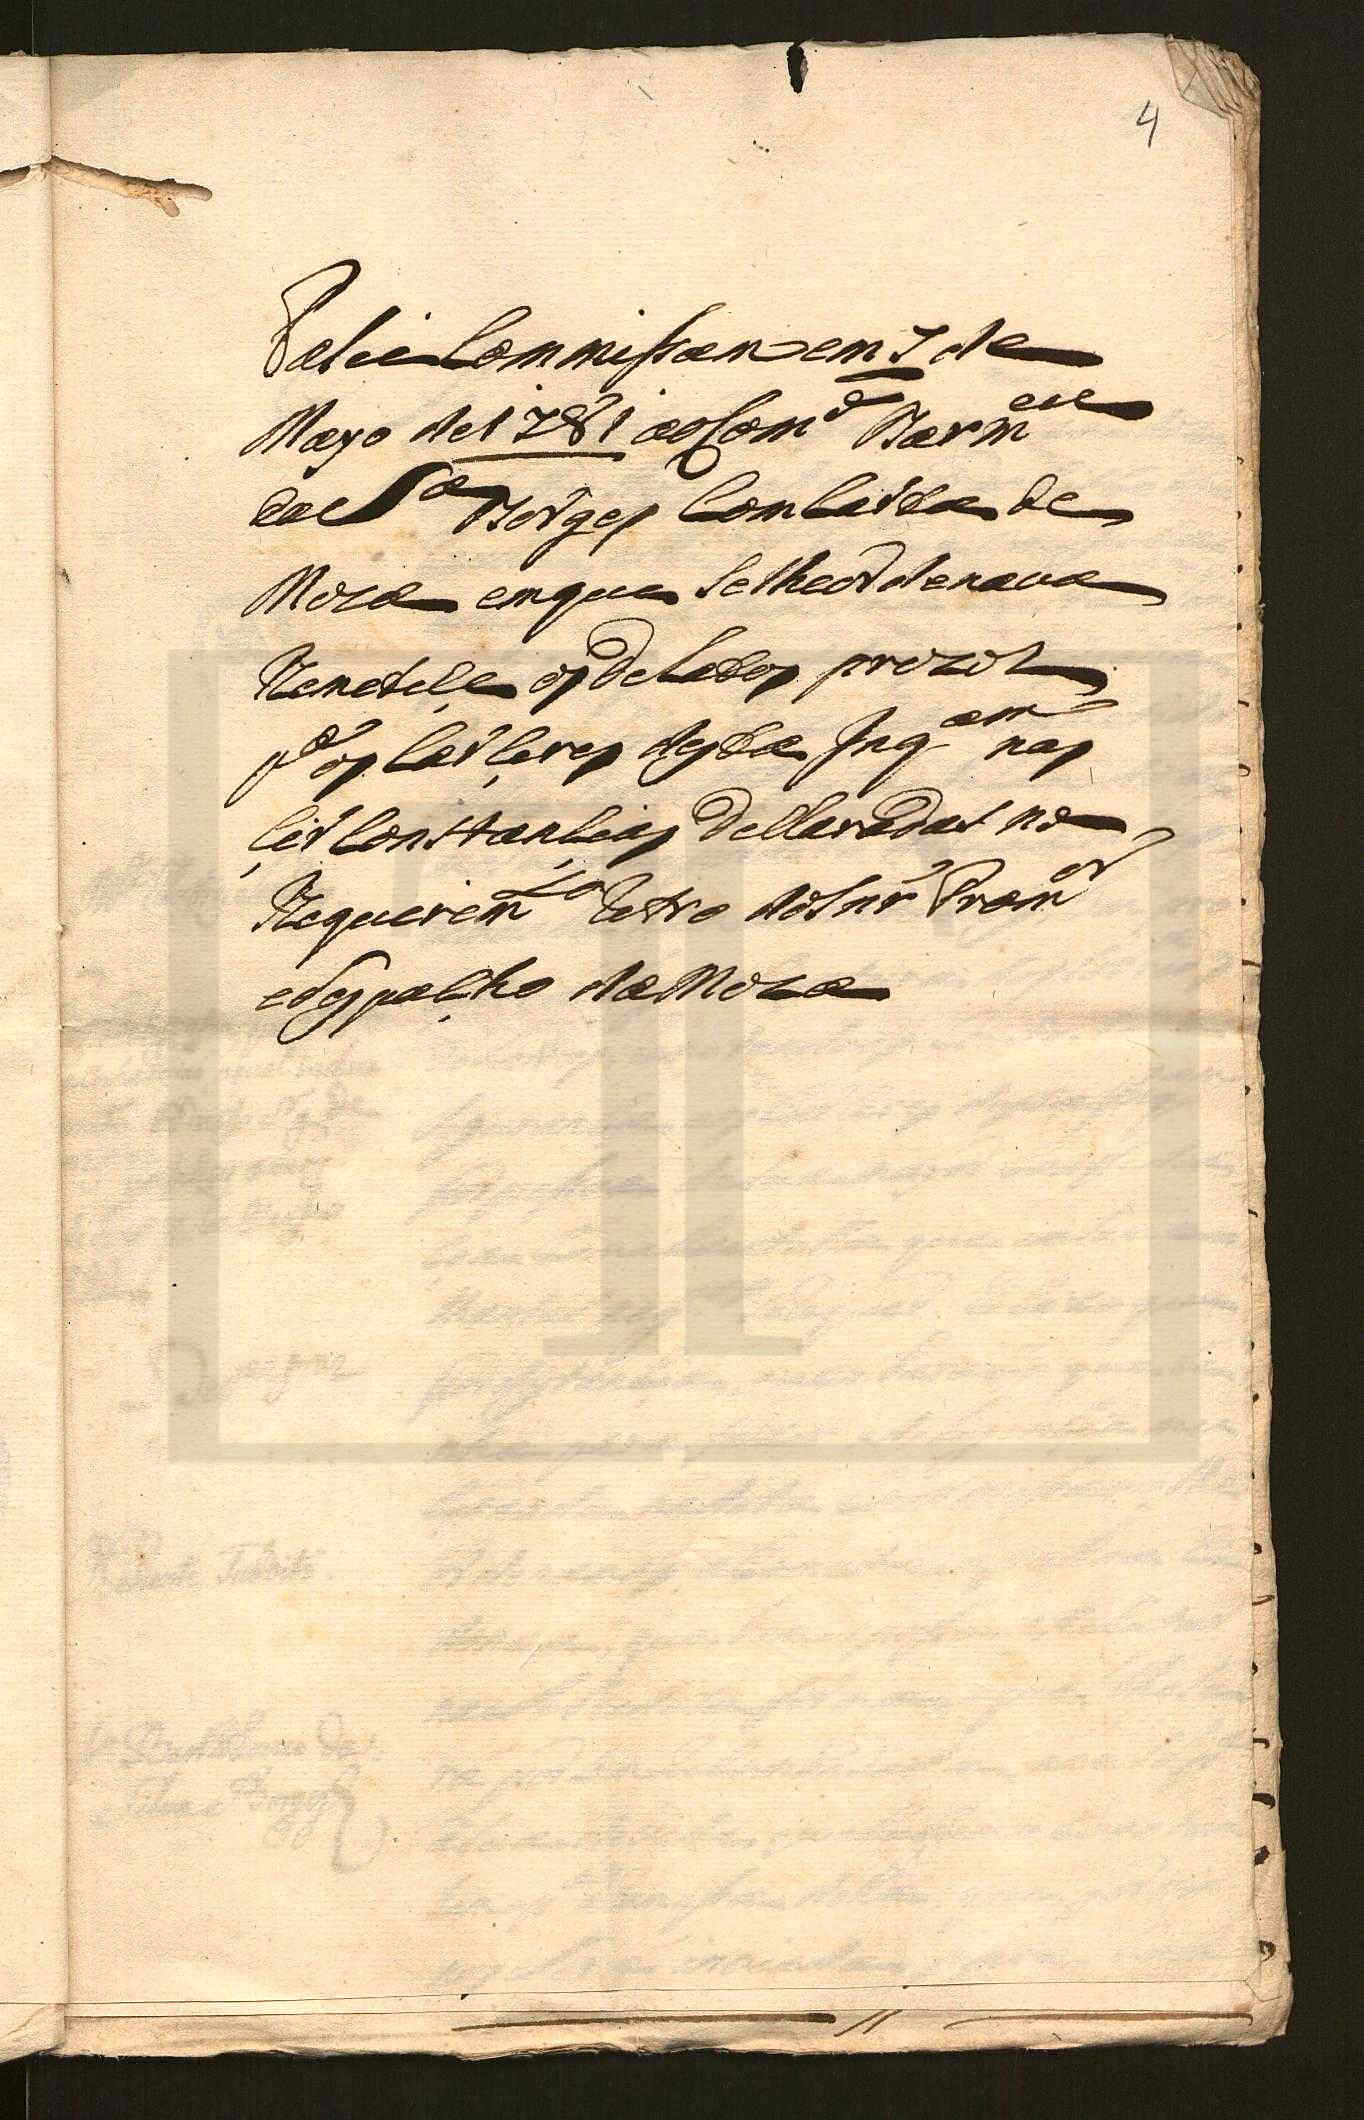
Pela Commissam em 7 de
Mayo de 1781 ao Como Barmeu
da Sa Borges Com carta de
Meza em que selheordenava
Remeteçe os deLatos prezos
ÇirConstanÇias declaradas no
pa os Carçeres desta Jnqam nas
Requerimto Retro do Snr̄ Promor
e despaçho da Meza
